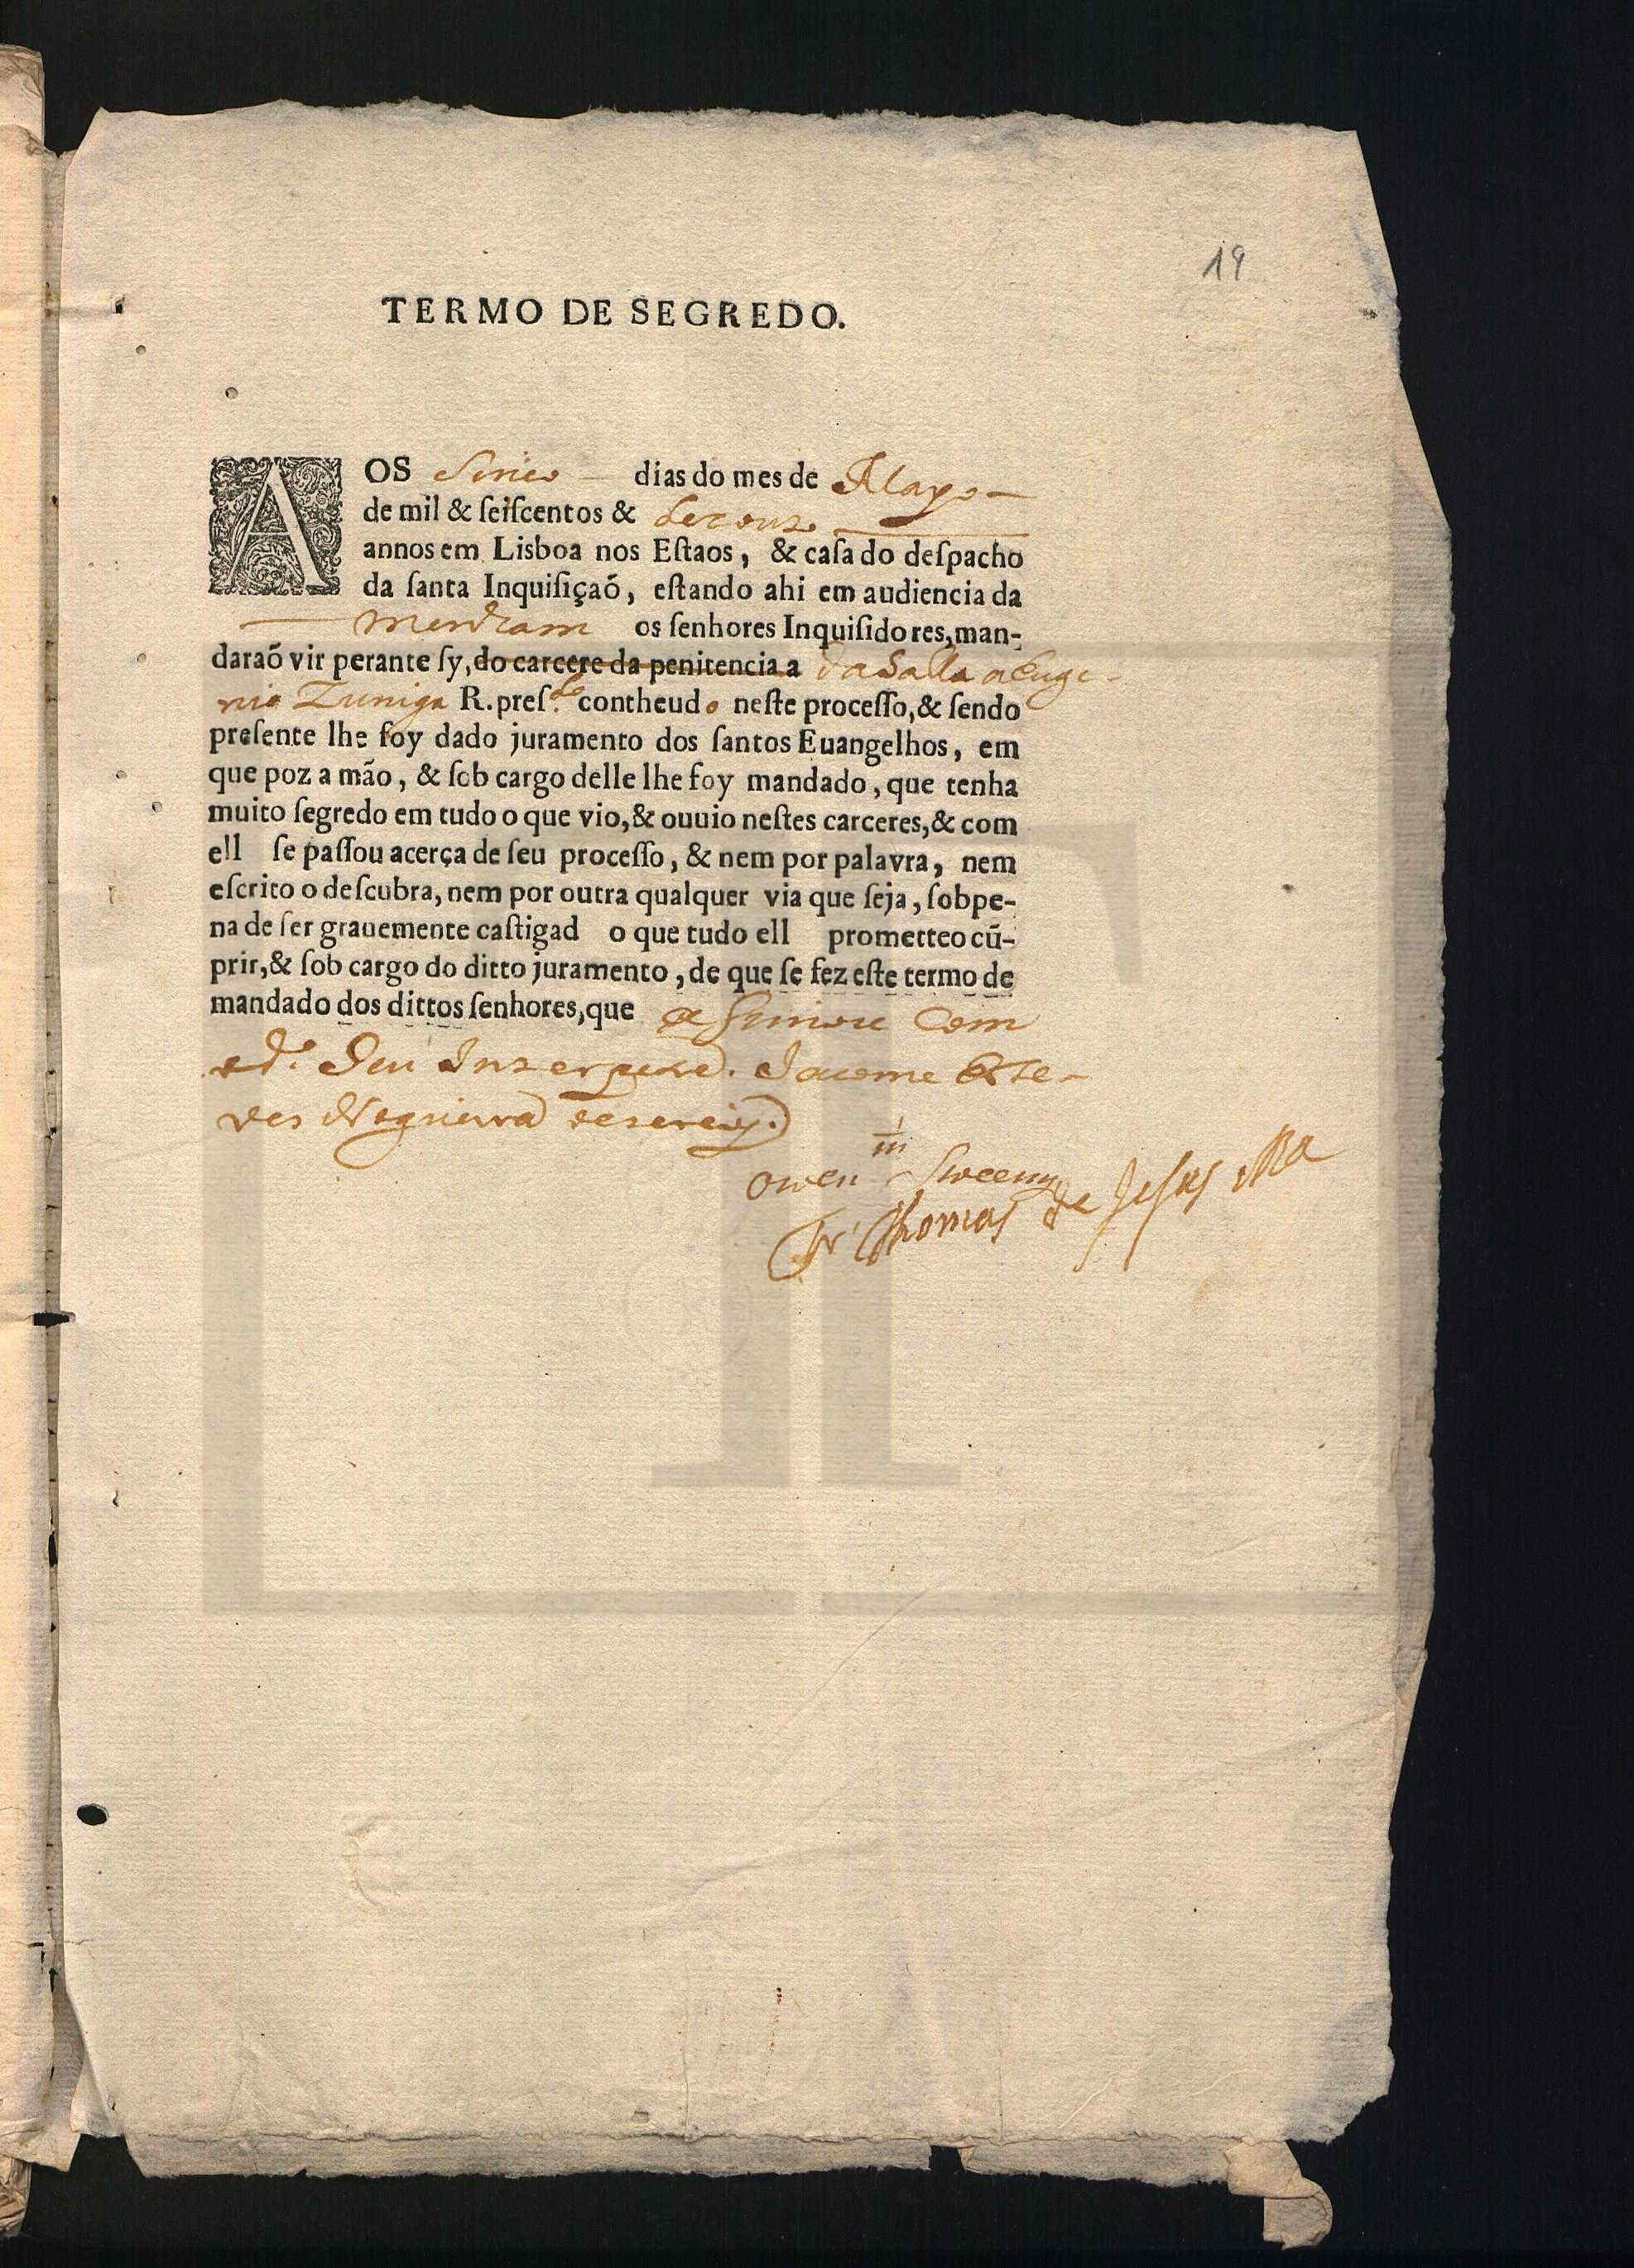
TERMO DE SEGREDO.
AOS sinco dias do mes de Mayo
de mil & seiscentos & dezouto
annos em Lisboa nos Estaos, & casa do despacho
da santa Inquisiçaõ, estando ahi em audiencia da
menham os senhores Inquisidores, man
daraõ vir perante sy, do carcere da penitencia a sa Salla a Euge
nio Zuniga R. pres.do contheudo neste processo, & sendo
presente lhe foy dado juramento dos santos Euangelhos, em
que poz a mão, & sob cargo delle lhe foy mandado, que tenha
muito segredo em tudo o que vio, & ouuio nestes carceres, & com
ell se passou acerca de seu processo, & nem por palavra, nem
escrito o descubra, nem por outra qualquer via que seja, sob pe
na de ser grauemente castigad o que tudo ell prometteo cū
prir, & sob cargo do ditto juramento, de que se fez este termo de
mandado dos dittos senhores, que assinou com
o d.o seu Interpetre. Jacome Este
ves Nogueira o escrevj.
owen Sweeny
Fr. Thomas de Jesus Ma
